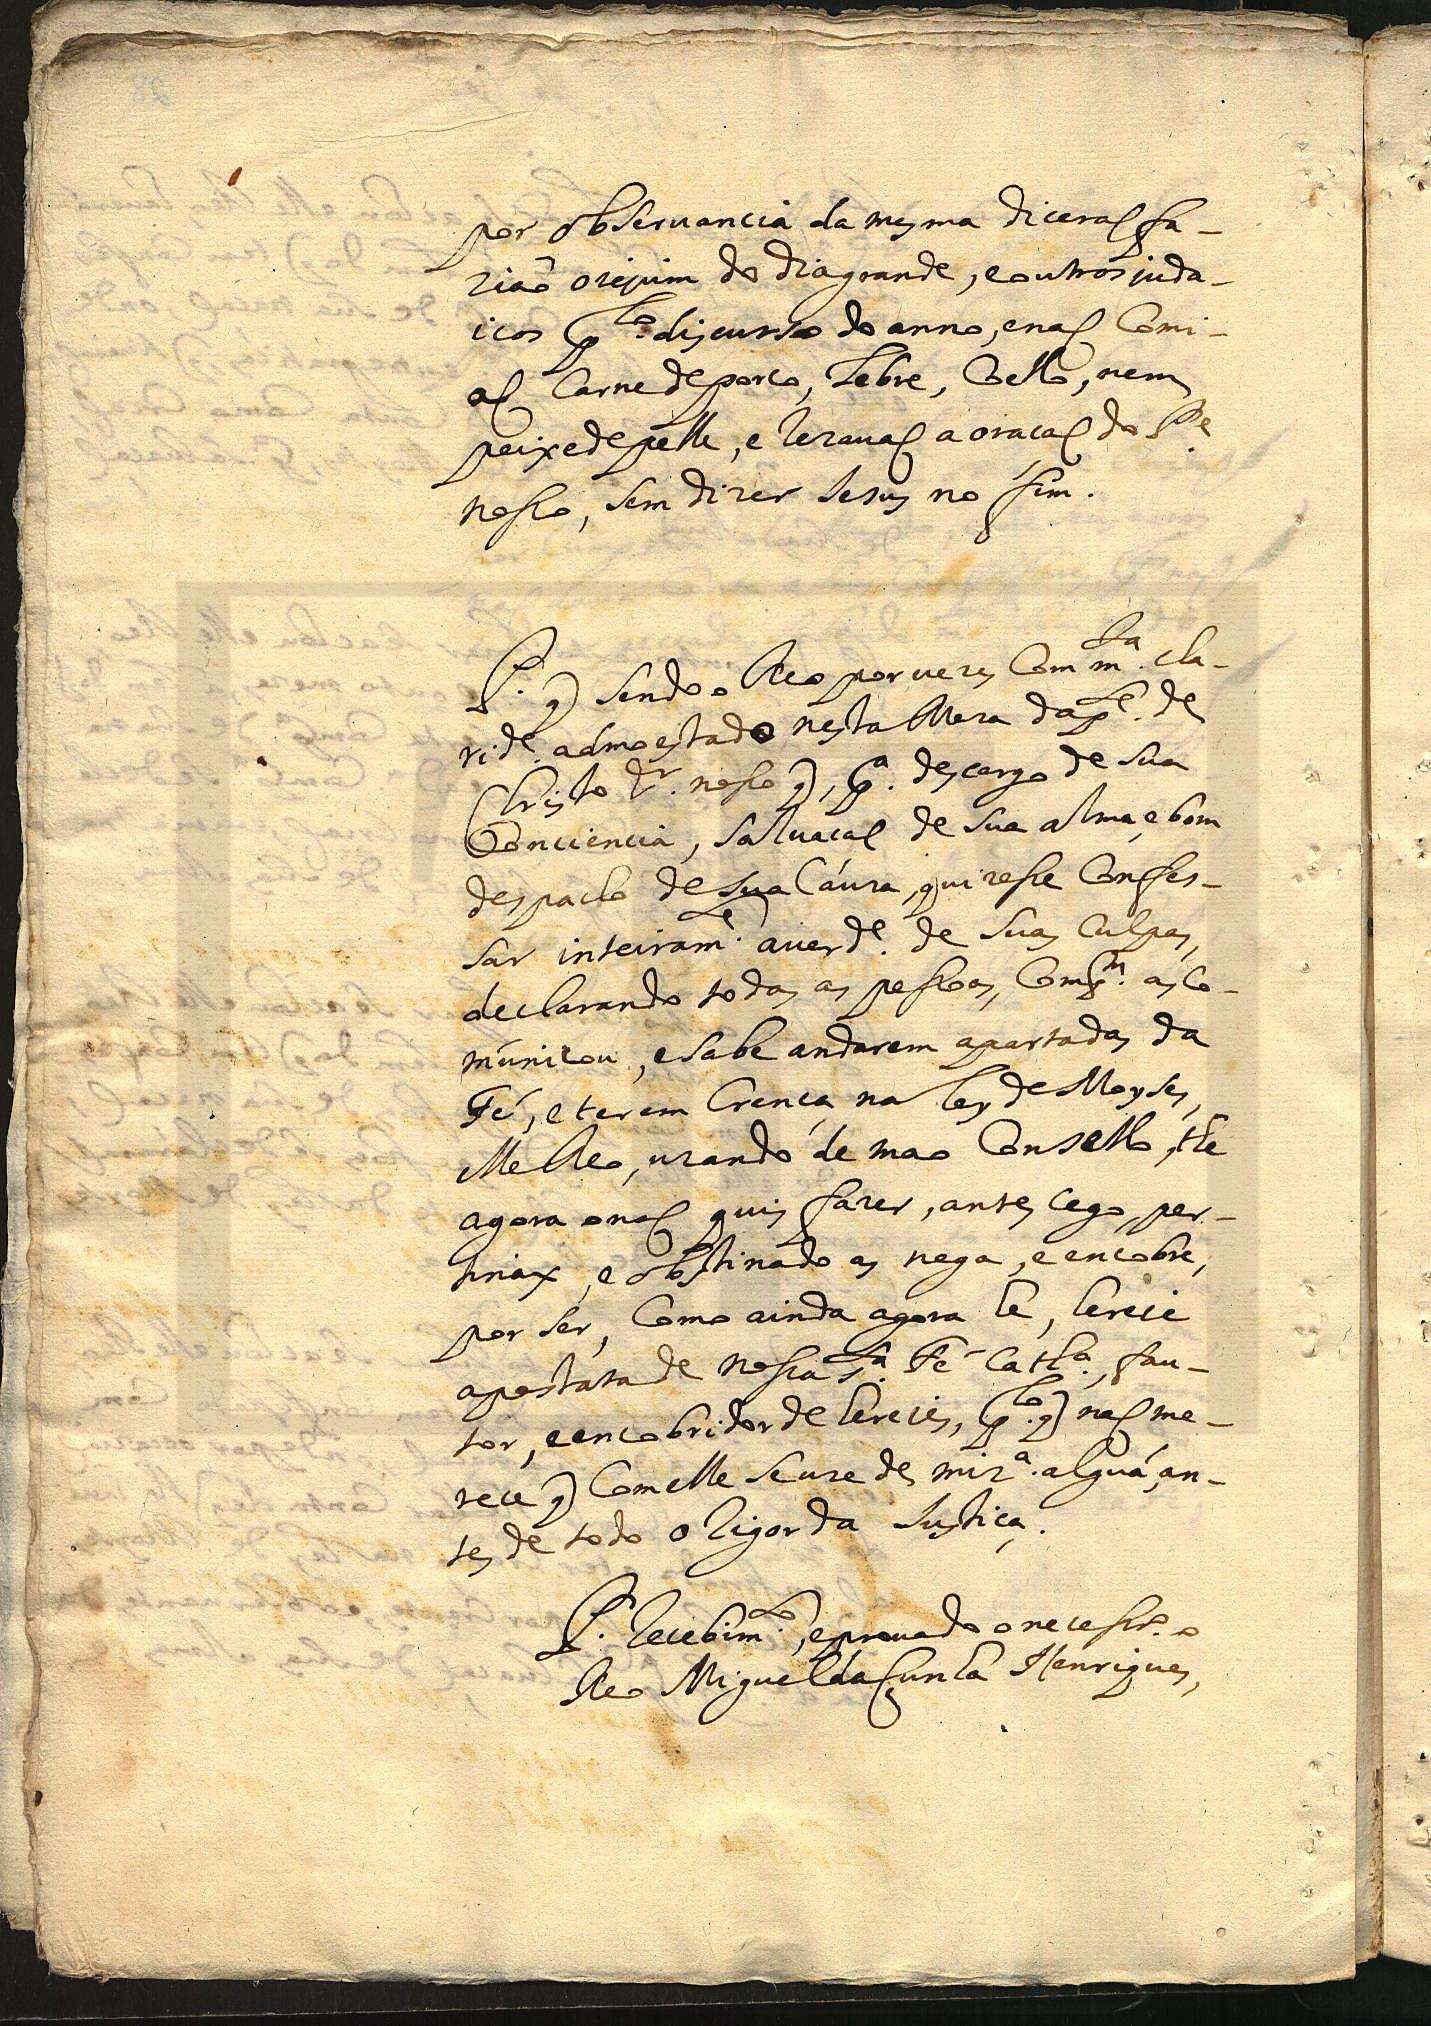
por obseruancia da mesma diceraꝭ fa
ziaõ o iejum do dia grande, e outros iuda
icos p.lo discurso do anno, e naꝭ Comi
aꝭ carne de porco, Lebre, Coelho, nem
peixe de pelle, e Rezauaꝭ a oraçaꝭ do Pe.
nosso, sem dizer Iesus no fim.
P. q̄ Sendo o Reo por uezes Com m.ta cha
ride. admoestado nesta Meza da pte. de
Christo sor. nosso q̄, p.a descargo de sua
Conciencia, saluaçaꝭ de sua alma, e bom
despacho de sua Cauza, quizesse Confes
sar inteiram.te a uerd.e de suas Culpas,
declarando todas as pessoas, Com q.m as co
mūnicou, e sabe andarem apartadas da
Fé, e terem Crença na ley de Moyses
elle Reo, uzando de mao Conselho, the
agora o naꝭ quis fazer, antes cego, per
tinax, e obstinado as nega, e encobre,
por ser, Como ainda agora he, hereie
apostata de nossa sta. Fé Catha., fau
tor, e encobridor de hereies, plo. q̄ naꝭ me
rece q̄ Com elle se uze de miza. alguā, an
tes de todo o Rigor da Iustiça.
P. Recebim.to, e prouado o necessr.o o
Reo Miguel da Cunha Henriques,
